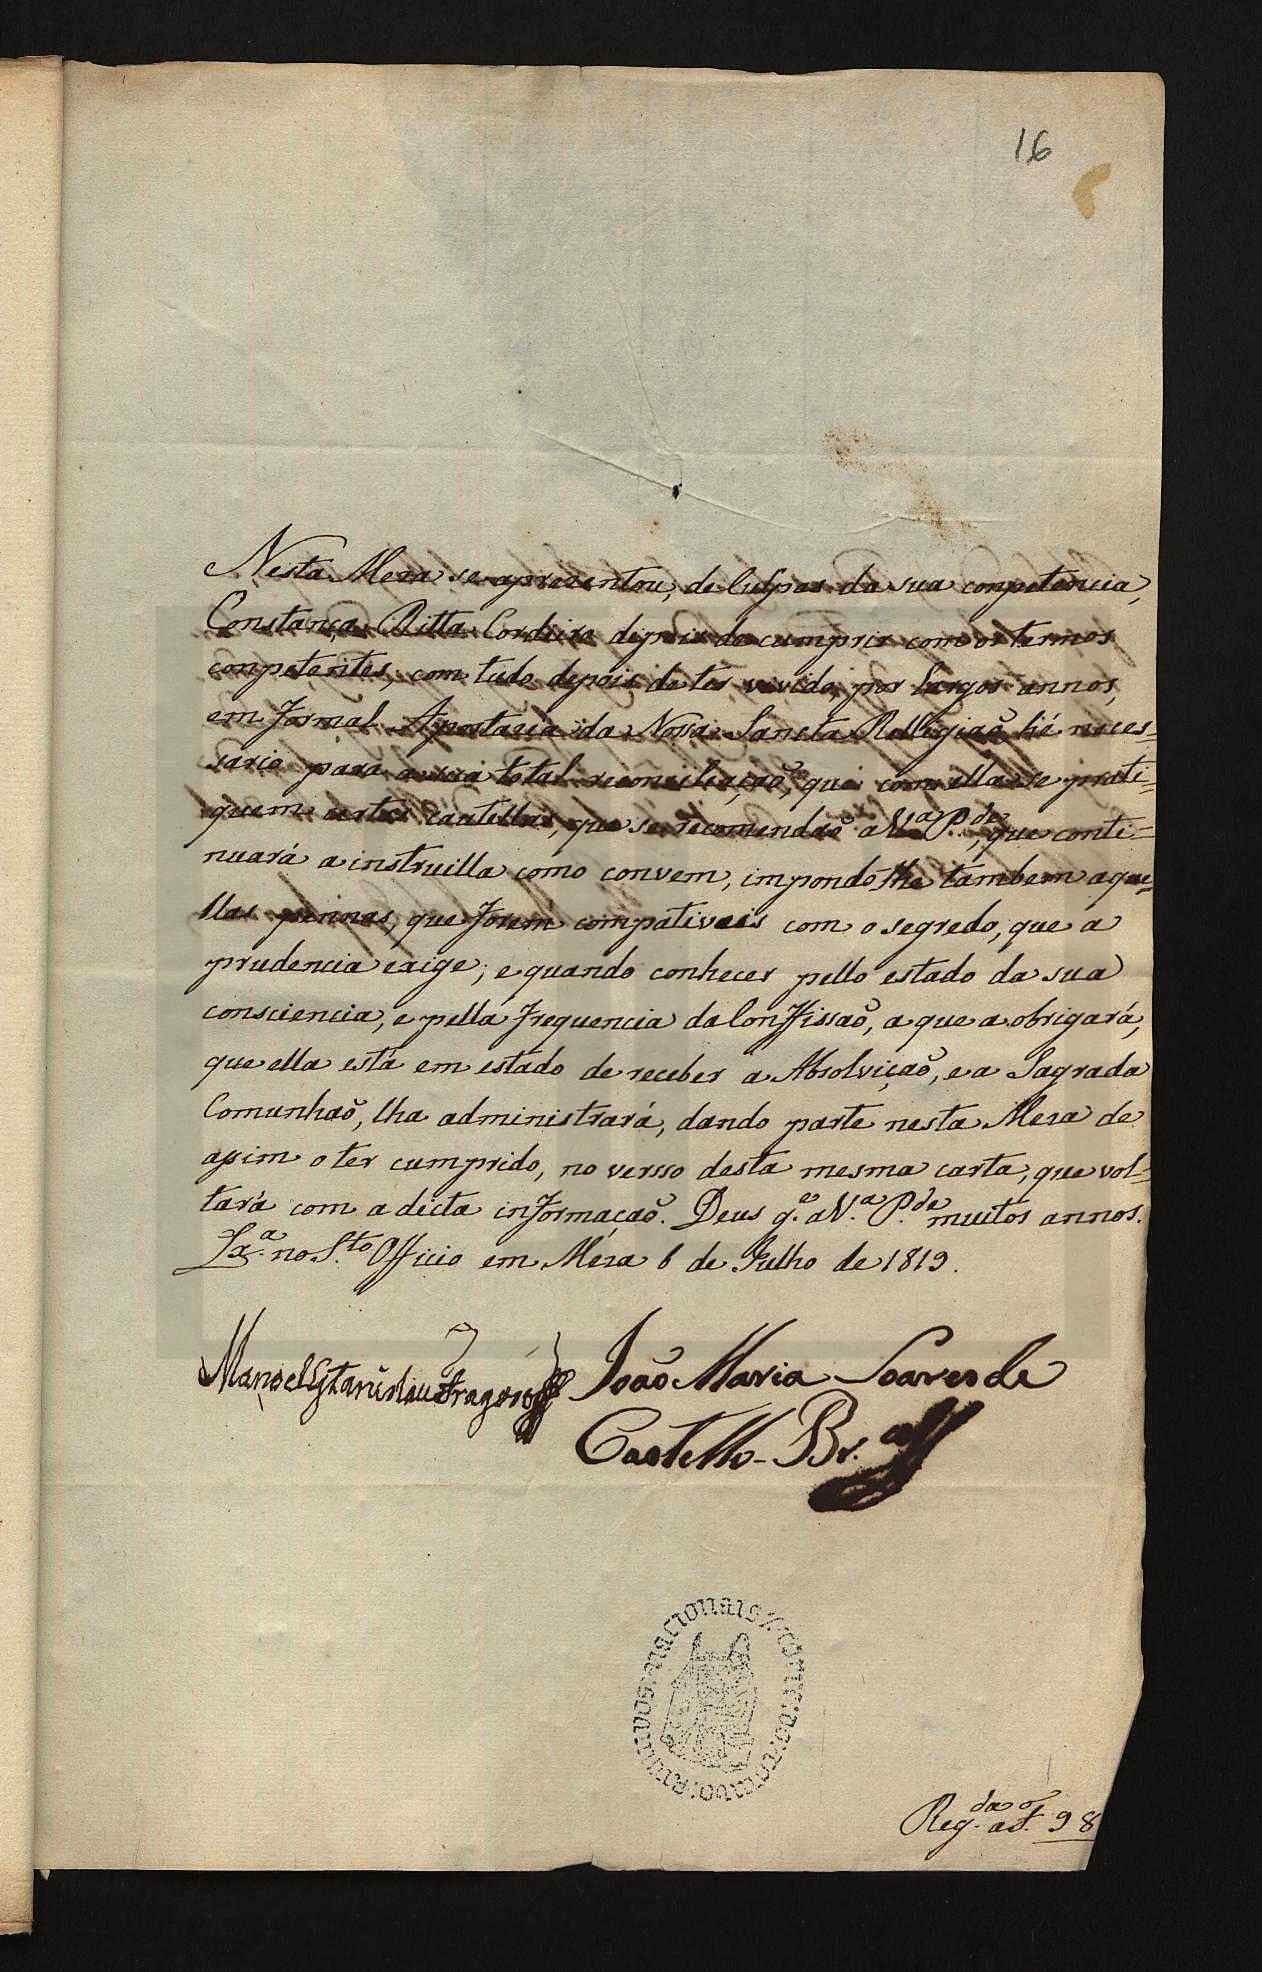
Nesta Meza se aprezentou, de Culpas da sua competencia,
Constança Ritta Cordeiro depois de cumprir com os termos
conpetentes; comtudo depois de ter vivido por largos annos
em formal Apostazia da Nossa Sancta Relligiaõ hé neces
sario para a sua total reconciliaçaõ, que com ella se prati
quem estas cautellas, que se recomendaõ a V.a P.de, que conti
nuará a instruilla como convem, impondolhe tambem aque
llas pennas, que forem compativeis com o segredo, que a
prudencia exige; e quando conhecer pello estado da sua
consciencia, e pella frequencia da Conffissaõ, a que a obrigará,
que ella está em estado de receber a Absolviçaõ, e a Sagrada
Comunhaõ, lha administrará, dando parte nesta Meza de
assim o ter cumprido, no versso desta mesma carta, que vol
tará com a dicta informaçaõ. Deus g.e a V.a P.de muitos annos.
Lx.a no S.to Officio em Meza 6 de Iulho de 1819.
Manoel Estanislau Fragoso Ioaõ Maria Soares de
Castello- Br.o
Reg.da a F. 98
